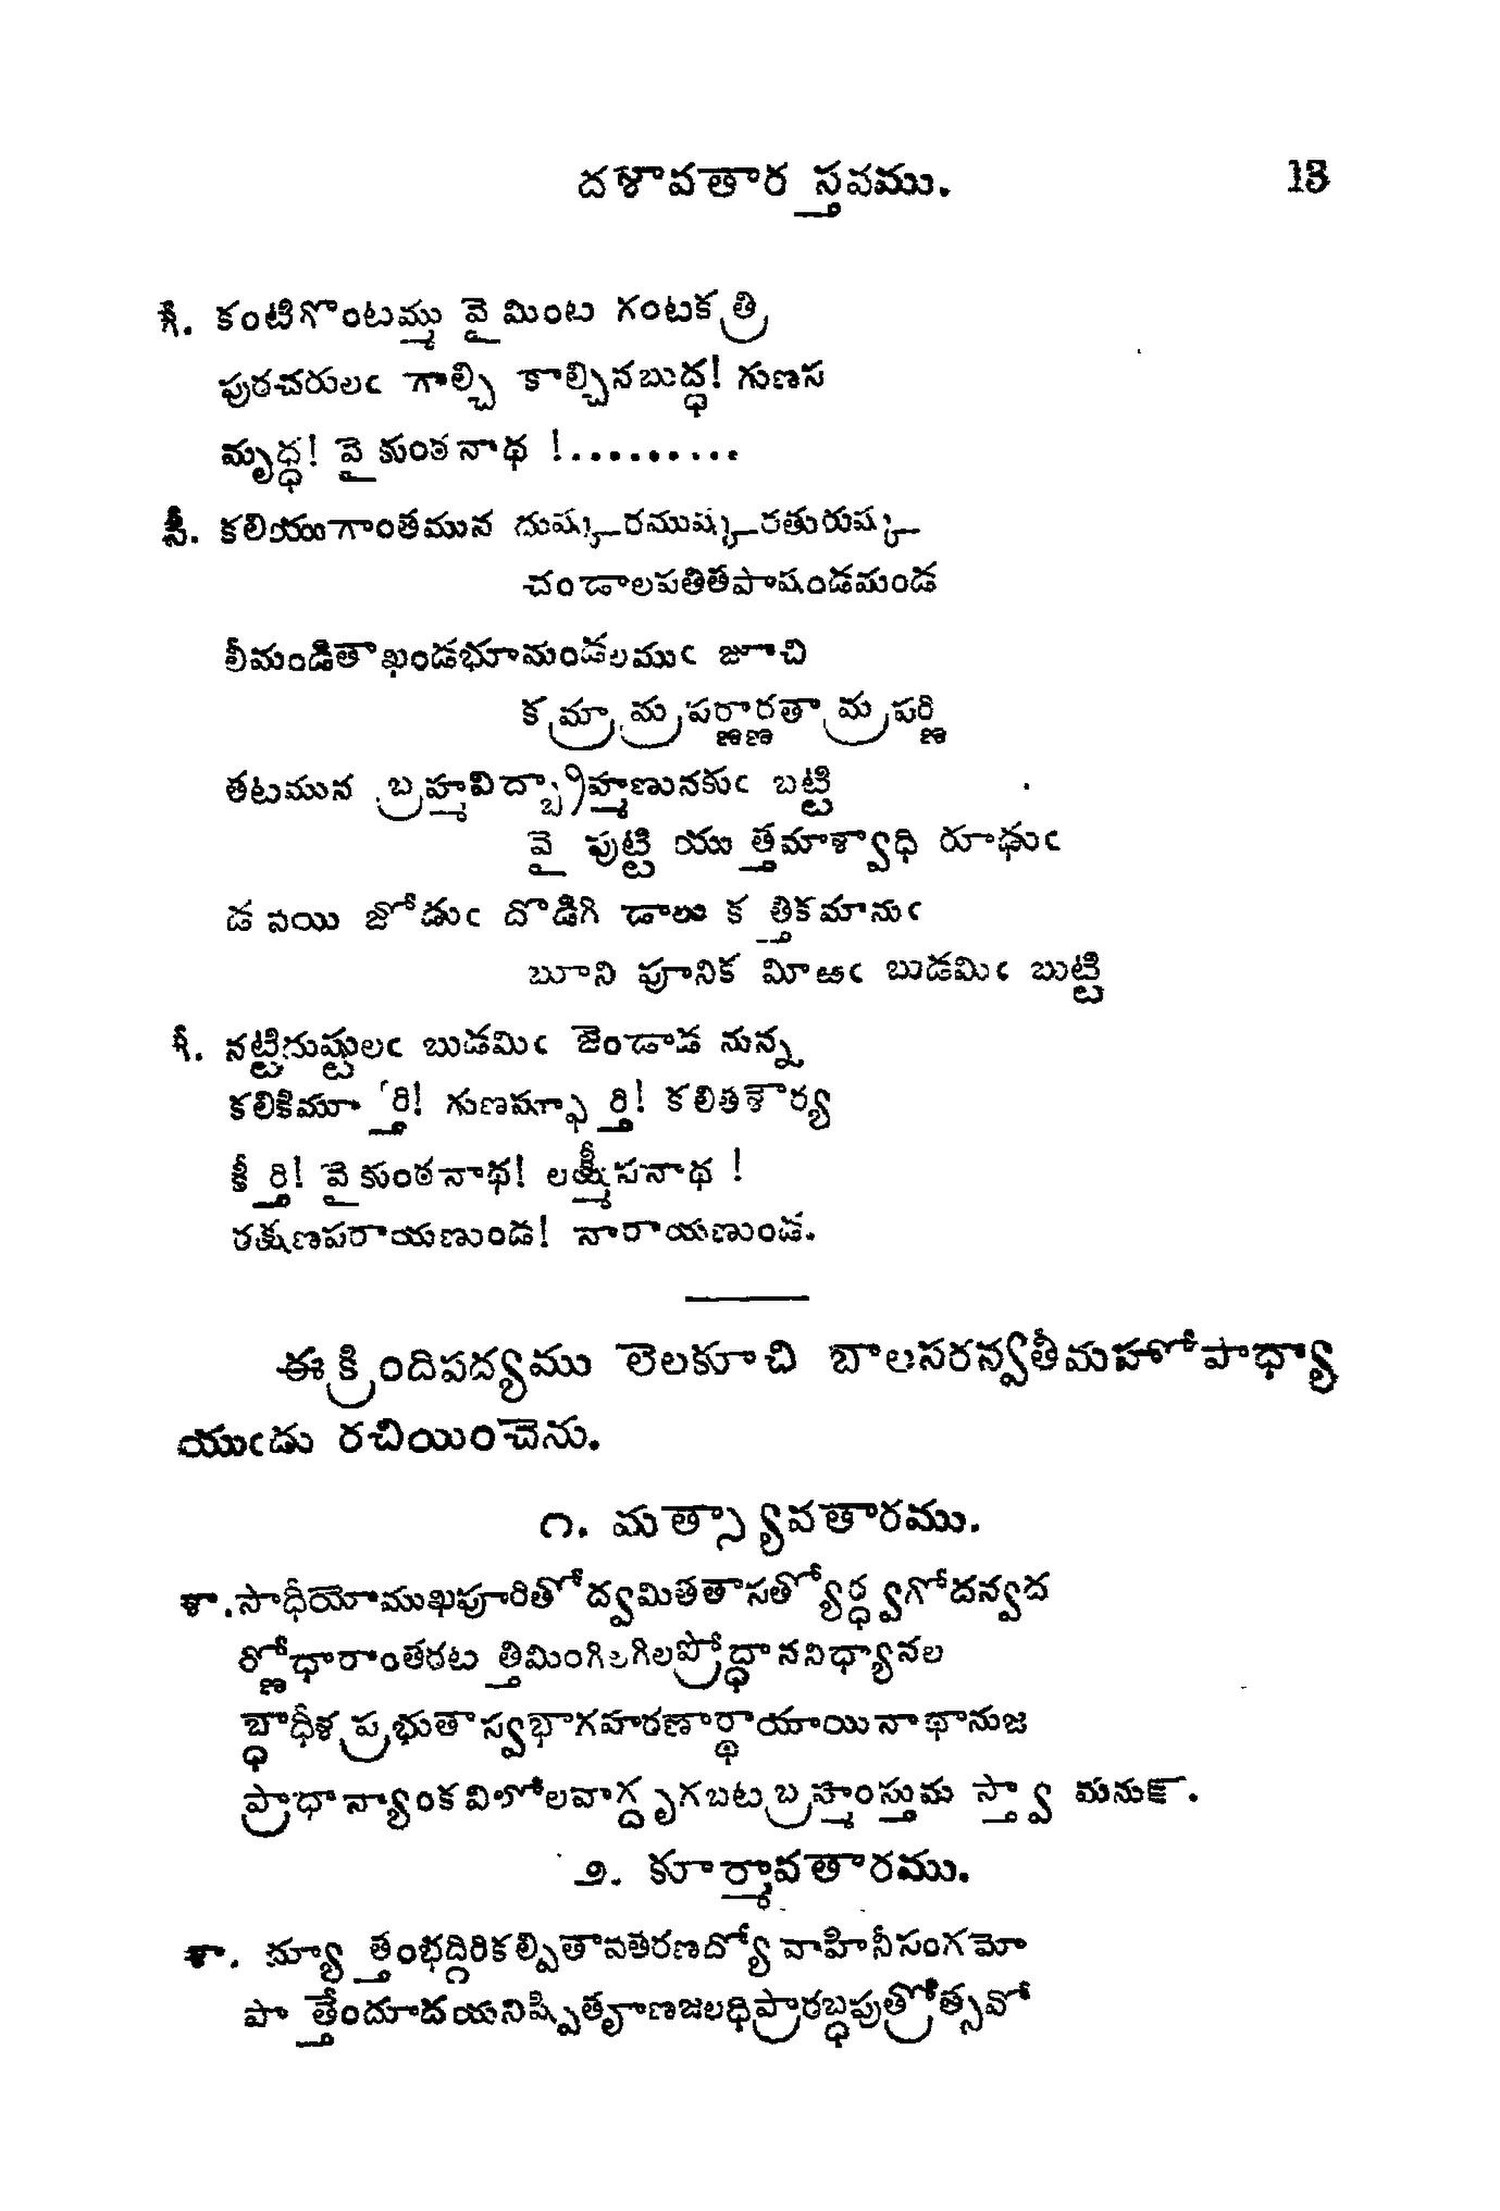గీ. కంటిగొంటమ్మువై మింట గంటక త్రి
 పురచరులఁ గాల్చి కాల్చినబుద్ధ! గుణస
 మృద్ధ! వైకుంఠనాథ! లక్ష్మీసనాథ!
 రక్షణపరాయణుండ! నారాయణుండ!
సీ. కలియుగాంతమున దుష్కరముష్కరతురుష్క
 చండాలపతితపాషండమండ
 లీమండితాఖండభూమండలముఁ జూచి
 కమ్రామ్రపర్ణార్ణతామ్రపర్ణి
 తటమున బ్రహ్మవిద్బ్రాహ్మణునకుఁ బట్టి
 వై పుట్టి యుత్తమాశ్వాధిరూఢుఁ
 డ వయి జోడుఁ దొడిగి డాలు కత్తికమానుఁ
 బూని పూనిక మీఱఁ బుడమిఁ బుట్టి
గీ. నట్టిదుష్టులఁ బుడమిఁ జెండాడ నున్న
 కలికిమూర్తి! గుణస్ఫూర్తి! కలితశౌర్య
 కీర్తి! వైకుంఠనాథ! లక్ష్మీసనాథ!
 రక్షణపరాయణుండ! నారాయణుండ!

ఈక్రిందిపద్యము లెలకూచి బాలసరస్వతిమహోపాధ్యాయుఁడు రచించెను.

శా. సాధీయోముఖపూరితోద్యమితతాసత్యోర్ధ్వగోదన్వ ద
 ర్ణోధారాంతరటత్తిమింగిలగిల ప్రోద్ధాననిధ్యానల
 బ్దాధీశప్రభుతాస్వభాగహరణార్థాయాయినాథానుజ
 ప్రాధాన్యాం కవిలోలవాగ్ధృగబట బ్రహ్మన్ స్తుమ స్త్వా మనున్.

శా. ద్యూతంభద్గిరికల్పితావతరణద్యోవాహినీసంగమో
 పాత్తేందూతయనిష్పితౄణజలధిప్రారబ్ధపుత్రోత్సవో